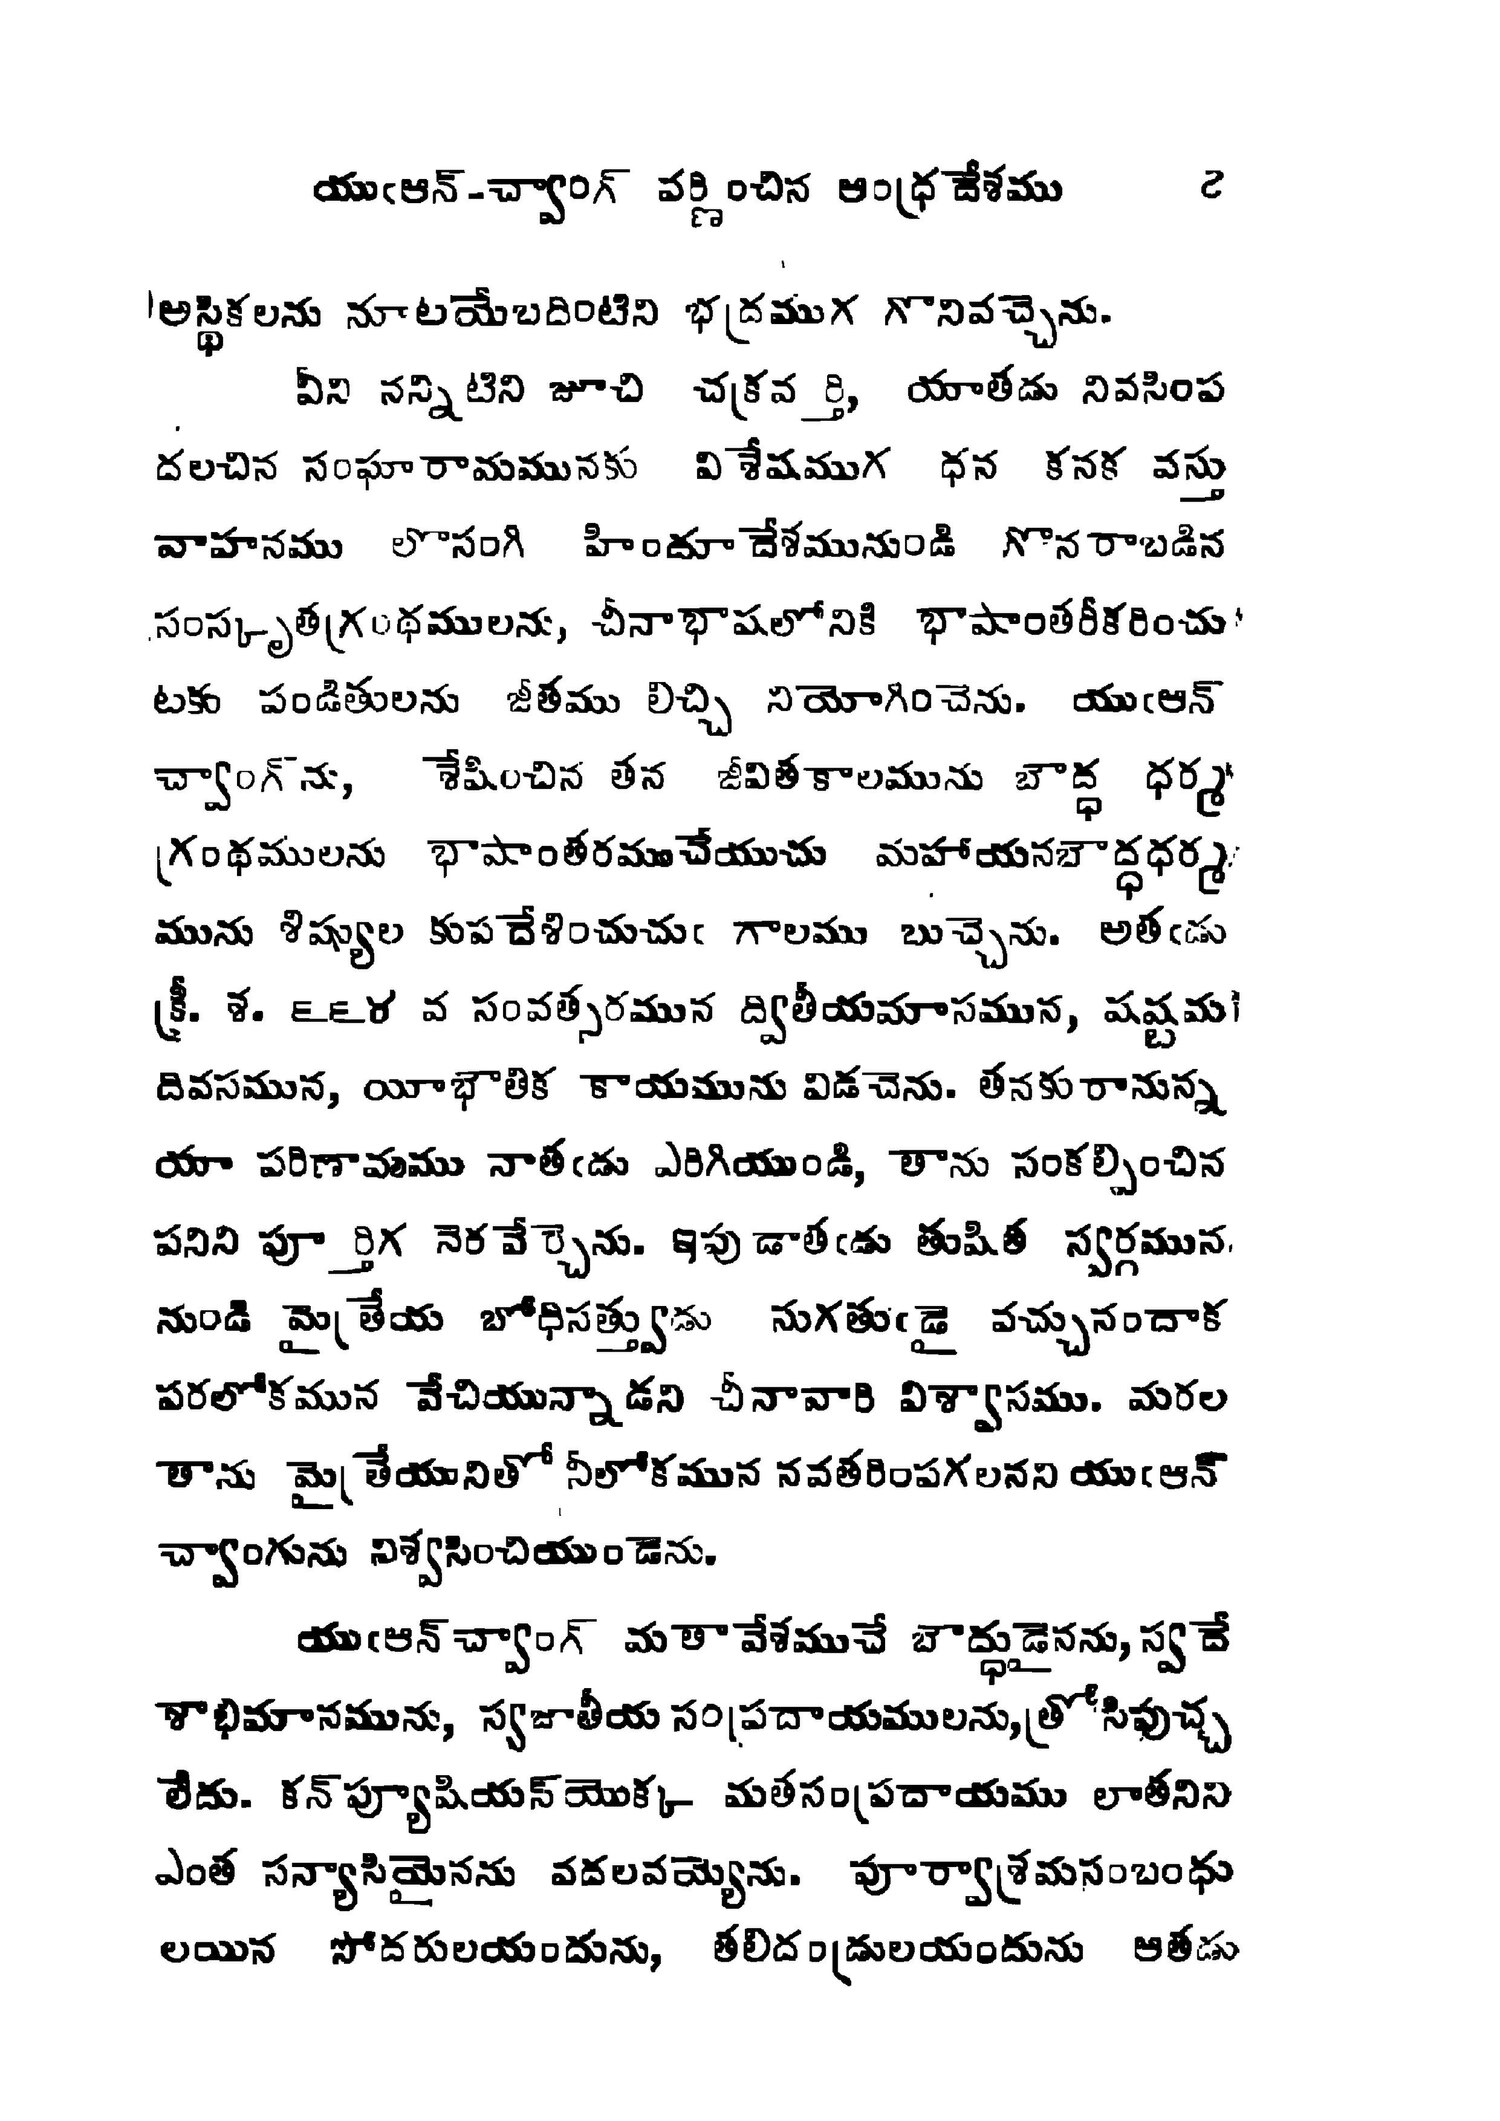అస్థికలను నూటయేబదింటిని భద్రముగ గొనివచ్చెను.

వీని నన్నిటిని జూచి చక్రవర్తి, యాతడు నివసింపదలచిన సంఘారామమునకు విశేషముగ ధన కనక వస్తు వాహనము జొసంగి హిందూదేశమునుండి గొనరాబడిన సంస్కృత గ్రంథములను, చీనా భాషలోనికి భాషాంతీ కరించుటకు పండితులను జీతములిచ్చి నియోగించెను. యుఁఆన్‌చ్వాంగ్‌ను, శేషించిన తన జీవితకాలమును బౌద్ధ ధర్మ గ్రంధములను భాషాంతరము చేయుచు మహాయన బౌద్ధధర్మమును శిష్యుల కుపదేశించుచుఁ గాలము బుచ్చెను. అతఁడు క్రీ. శ. ౬౬౪ వ సంవత్సరమున ద్వితీయమాసమున, షష్టమ దివసమున, యీ భౌతిక కాయమును విడచెను. తనకు రానున్న యా పరిణామము నాతడు ఎరిగియుండి, తాను సంకల్పించిన పనిని పూర్తిగా నెరవేర్చెను. ఇప్పుడాతఁడు తుషిత స్వర్గమున నుండి మైత్రేయ బోధిసత్వుడు సుగరుఁడై వచ్చునం దాక పరలోకమున వేచియున్నాడని చీనావారి విశ్వాసము. మరల తాను మైత్రేయునితో నీలోకమున నవతరిం పగలనని యుఁఆన్‌ చ్వాంగును విశ్వసించి యుండెను.

యుఁఆన్‌ చ్వాంగ్ మతావేశముచే బౌద్ధుడైనను, స్వదేశాభిమానమును, స్వజాతీయ సంప్రదాయములను, త్రోసి పుచ్చలేదు. కన్‌ప్యూషియన్‌ యొక్క మతసంప్రదాయము లాతనిని ఎంత సన్నాసియైనను వదలవయ్యెను. పూర్వాశ్రమన బంధులయిన సోదరులయందును, తలిదండ్రులయందును ఆతడు